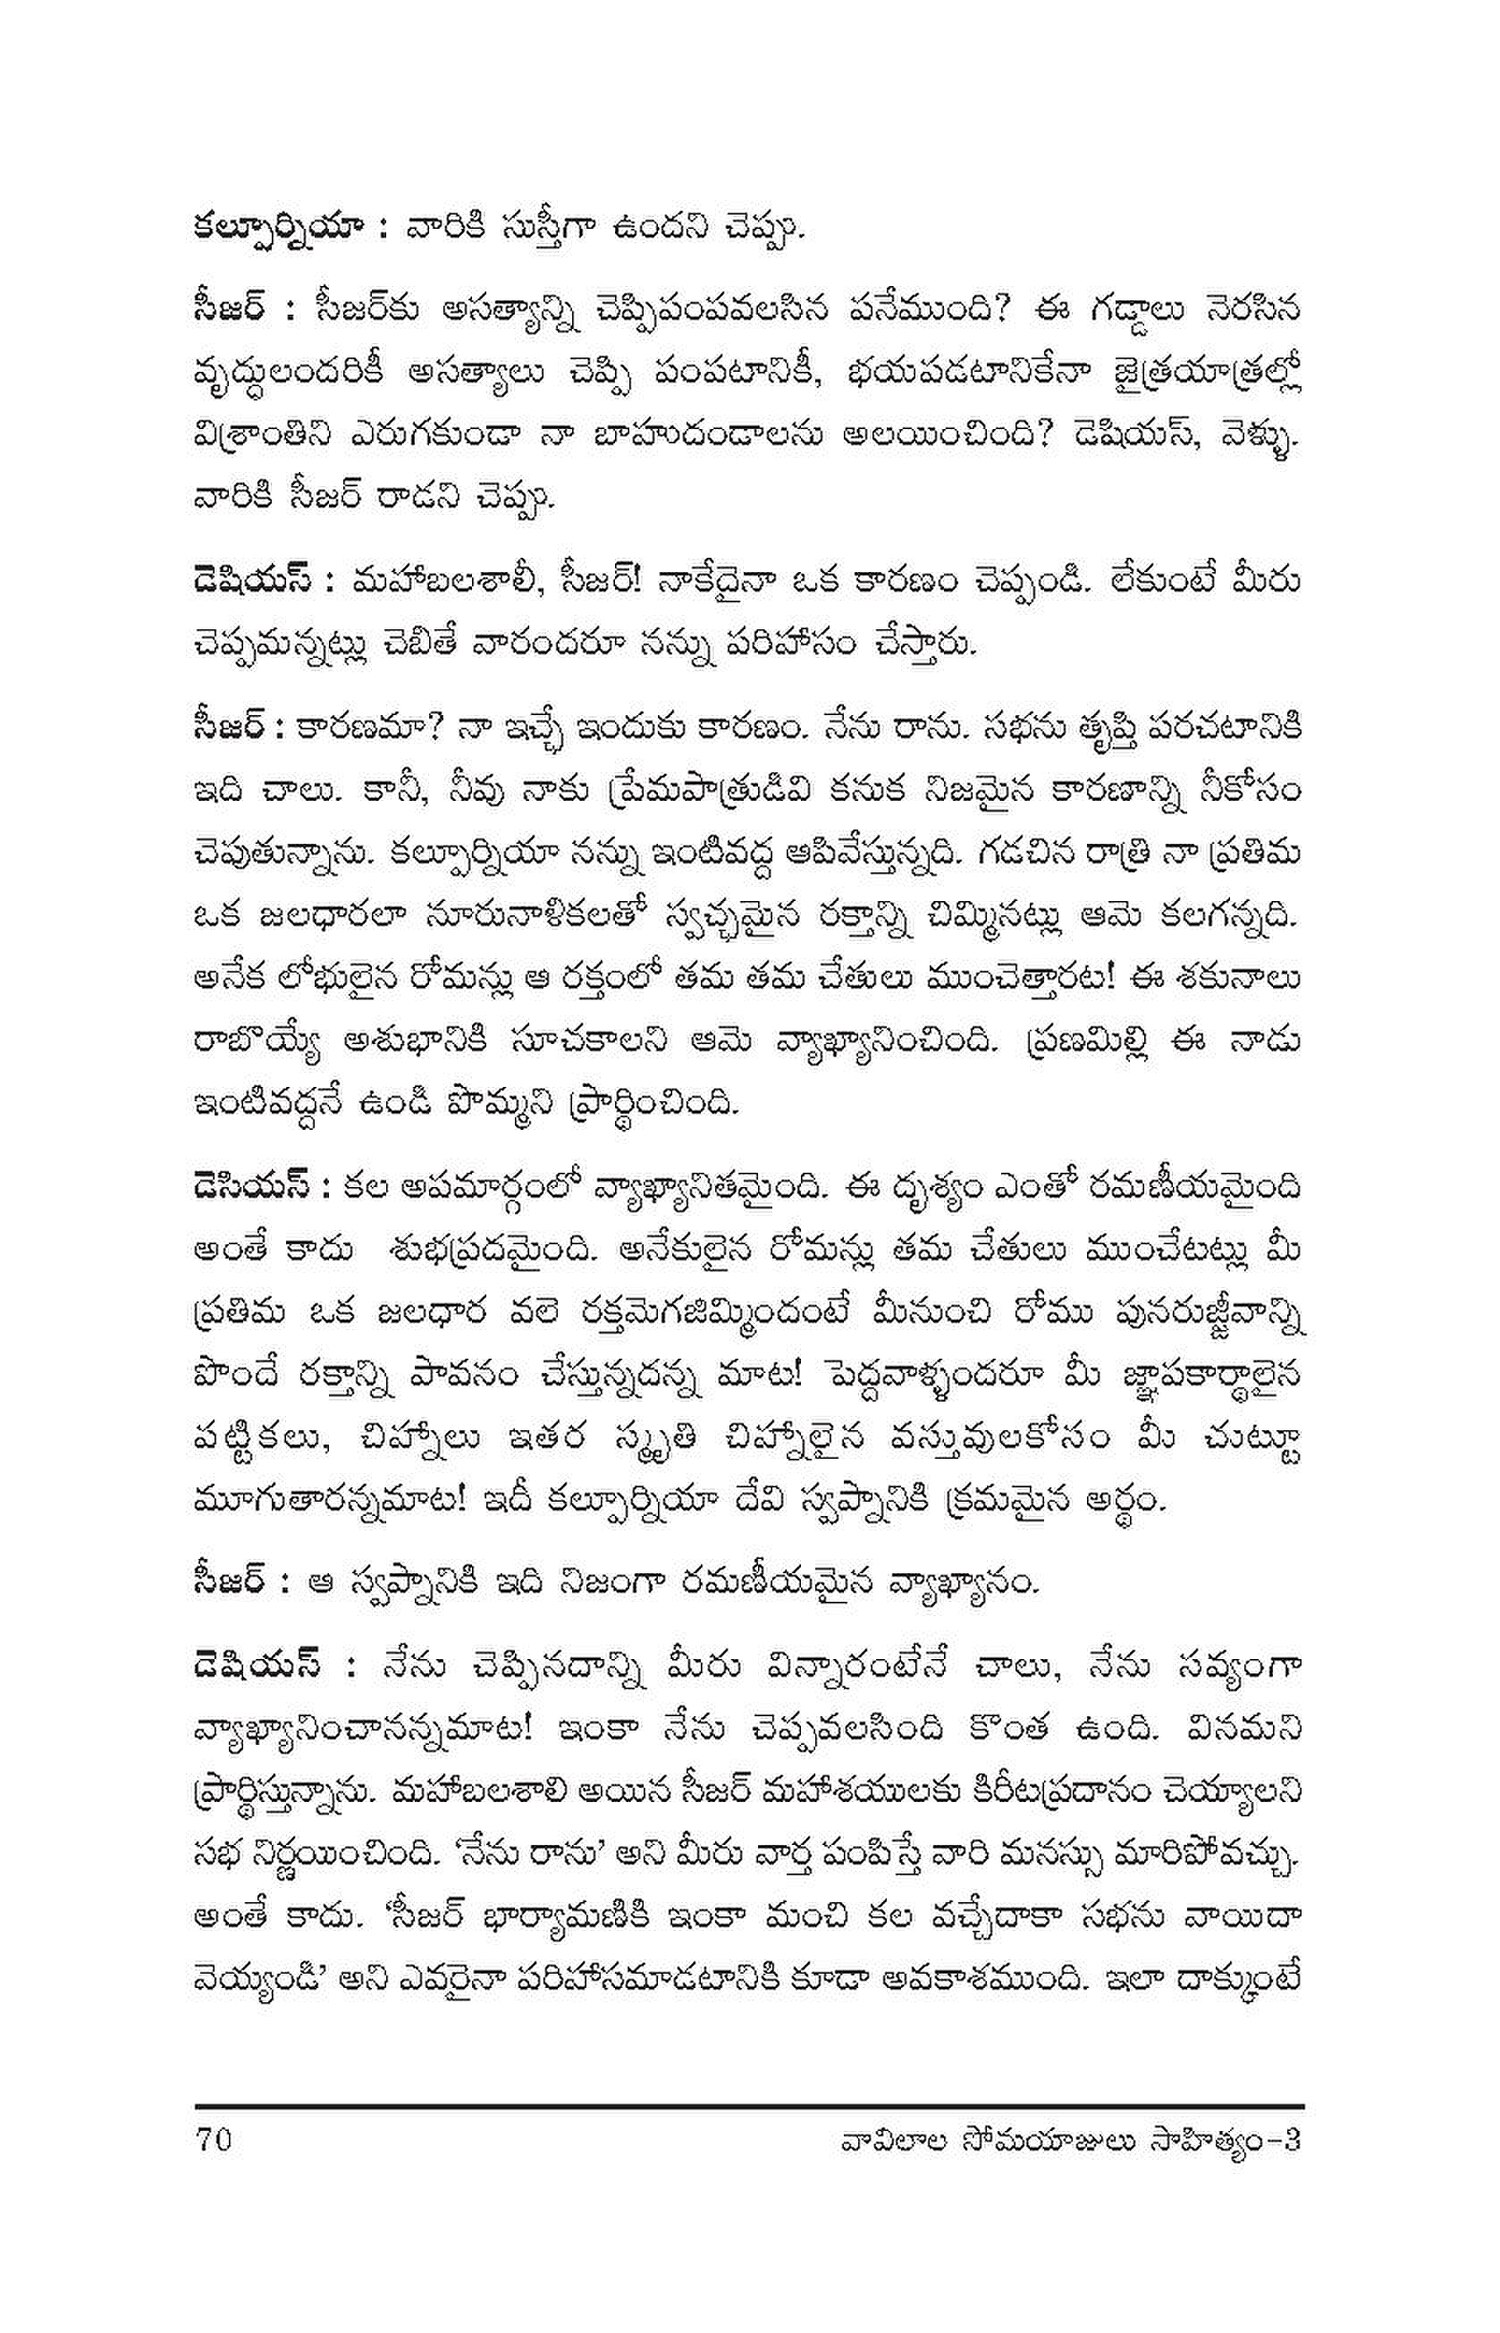కల్పూర్నియా : వారికి సుస్తీగా ఉందని చెప్పు.

సీజర్ : సీజర్ కు అసత్యాన్ని చెప్పిపంపవలసిన పనేముంది? ఈ గడ్డాలు నెరసిన వృద్ధులందరికీ అసత్యాలు చెప్పి పంపటానికీ, భయపడటానికేనా జైత్రయాత్రల్లో విశ్రాంతిని ఎరుగకుండా నా బాహుదండాలను అలయించింది? డెషియస్, వెళ్ళు. వారికి సీజర్ రాడని చెప్పు.

డెషియస్ : మహాబలశాలి, సీజర్! నాకేదైనా ఒక కారణం చెప్పండి. లేకుంటే మీరు చెప్పమన్నట్లు చెబితే వారందరూ నన్ను పరిహాసం చేస్తారు.

సీజర్ : కారణమా? నా ఇచ్చే ఇందుకు కారణం. నేను రాను. సభను తృప్తి పరచటానికి ఇది చాలు. కానీ, నీవు నాకు ప్రేమపాత్రుడివి కనుక నిజమైన కారణాన్ని నీకోసం చెపుతున్నాను. కల్పూర్నియా నన్ను ఇంటివద్ద ఆపివేస్తున్నది. గడచిన రాత్రి నా ప్రతిమ ఒక జలధారలా నూరునాళికలతో స్వచ్ఛమైన రక్తాన్ని చిమ్మినట్లు ఆమె కలగన్నది. అనేక లోభులైన రోమన్లు ఆ రక్తంలో తమ తమ చేతులు ముంచెత్తారట! ఈ శకునాలు రాబొయ్యే అశుభానికి సూచకాలని ఆమె వ్యాఖ్యానించింది. ప్రణమిల్లి ఈ నాడు ఇంటివద్దనే ఉండి పొమ్మని ప్రార్థించింది.

డెసియస్ : కల అపమార్గంలో వ్యాఖ్యానితమైంది. ఈ దృశ్యం ఎంతో రమణీయమైంది అంతే కాదు శుభప్రదమైంది. అనేకులైన రోమన్లు తమ చేతులు ముంచేటట్లు మీ ప్రతిమ ఒక జలధార వలె రక్తమెగజిమ్మిందంటే మీనుంచి రోము పునరుజ్జీవాన్ని పొందే రక్తాన్ని పావనం చేస్తున్నదన్న మాట! పెద్దవాళ్ళందరూ మీ జ్ఞాపకార్థాలైన పట్టికలు, చిహ్నాలు ఇతర స్మృతి చిహ్నాలైన వస్తువులకోసం మీ చుట్టూ మూగుతారన్నమాట! ఇదీ కల్పూర్నియా దేవి స్వప్నానికి క్రమమైన అర్థం.

సీజర్ : ఆ స్వప్నానికి ఇది నిజంగా రమణీయమైన వ్యాఖ్యానం.

డెషియస్ : నేను చెప్పినదాన్ని మీరు విన్నారంటేనే చాలు, నేను సవ్యంగా వ్యాఖ్యానించానన్నమాట! ఇంకా నేను చెప్పవలసింది కొంత ఉంది. వినమని ప్రార్థిస్తున్నాను. మహాబలశాలి అయిన సీజర్ మహాశయులకు కిరీటప్రదానం చెయ్యాలని సభ నిర్ణయించింది. 'నేను రాను' అని మీరు వార్త పంపిస్తే వారి మనస్సు మారిపోవచ్చు. అంతే కాదు. 'సీజర్ భార్యామణికి ఇంకా మంచి కల వచ్చేదాకా సభను వాయిదా వెయ్యండి' అని ఎవరైనా పరిహాసమాడటానికి కూడా అవకాశముంది. ఇలా దాక్కుంటే